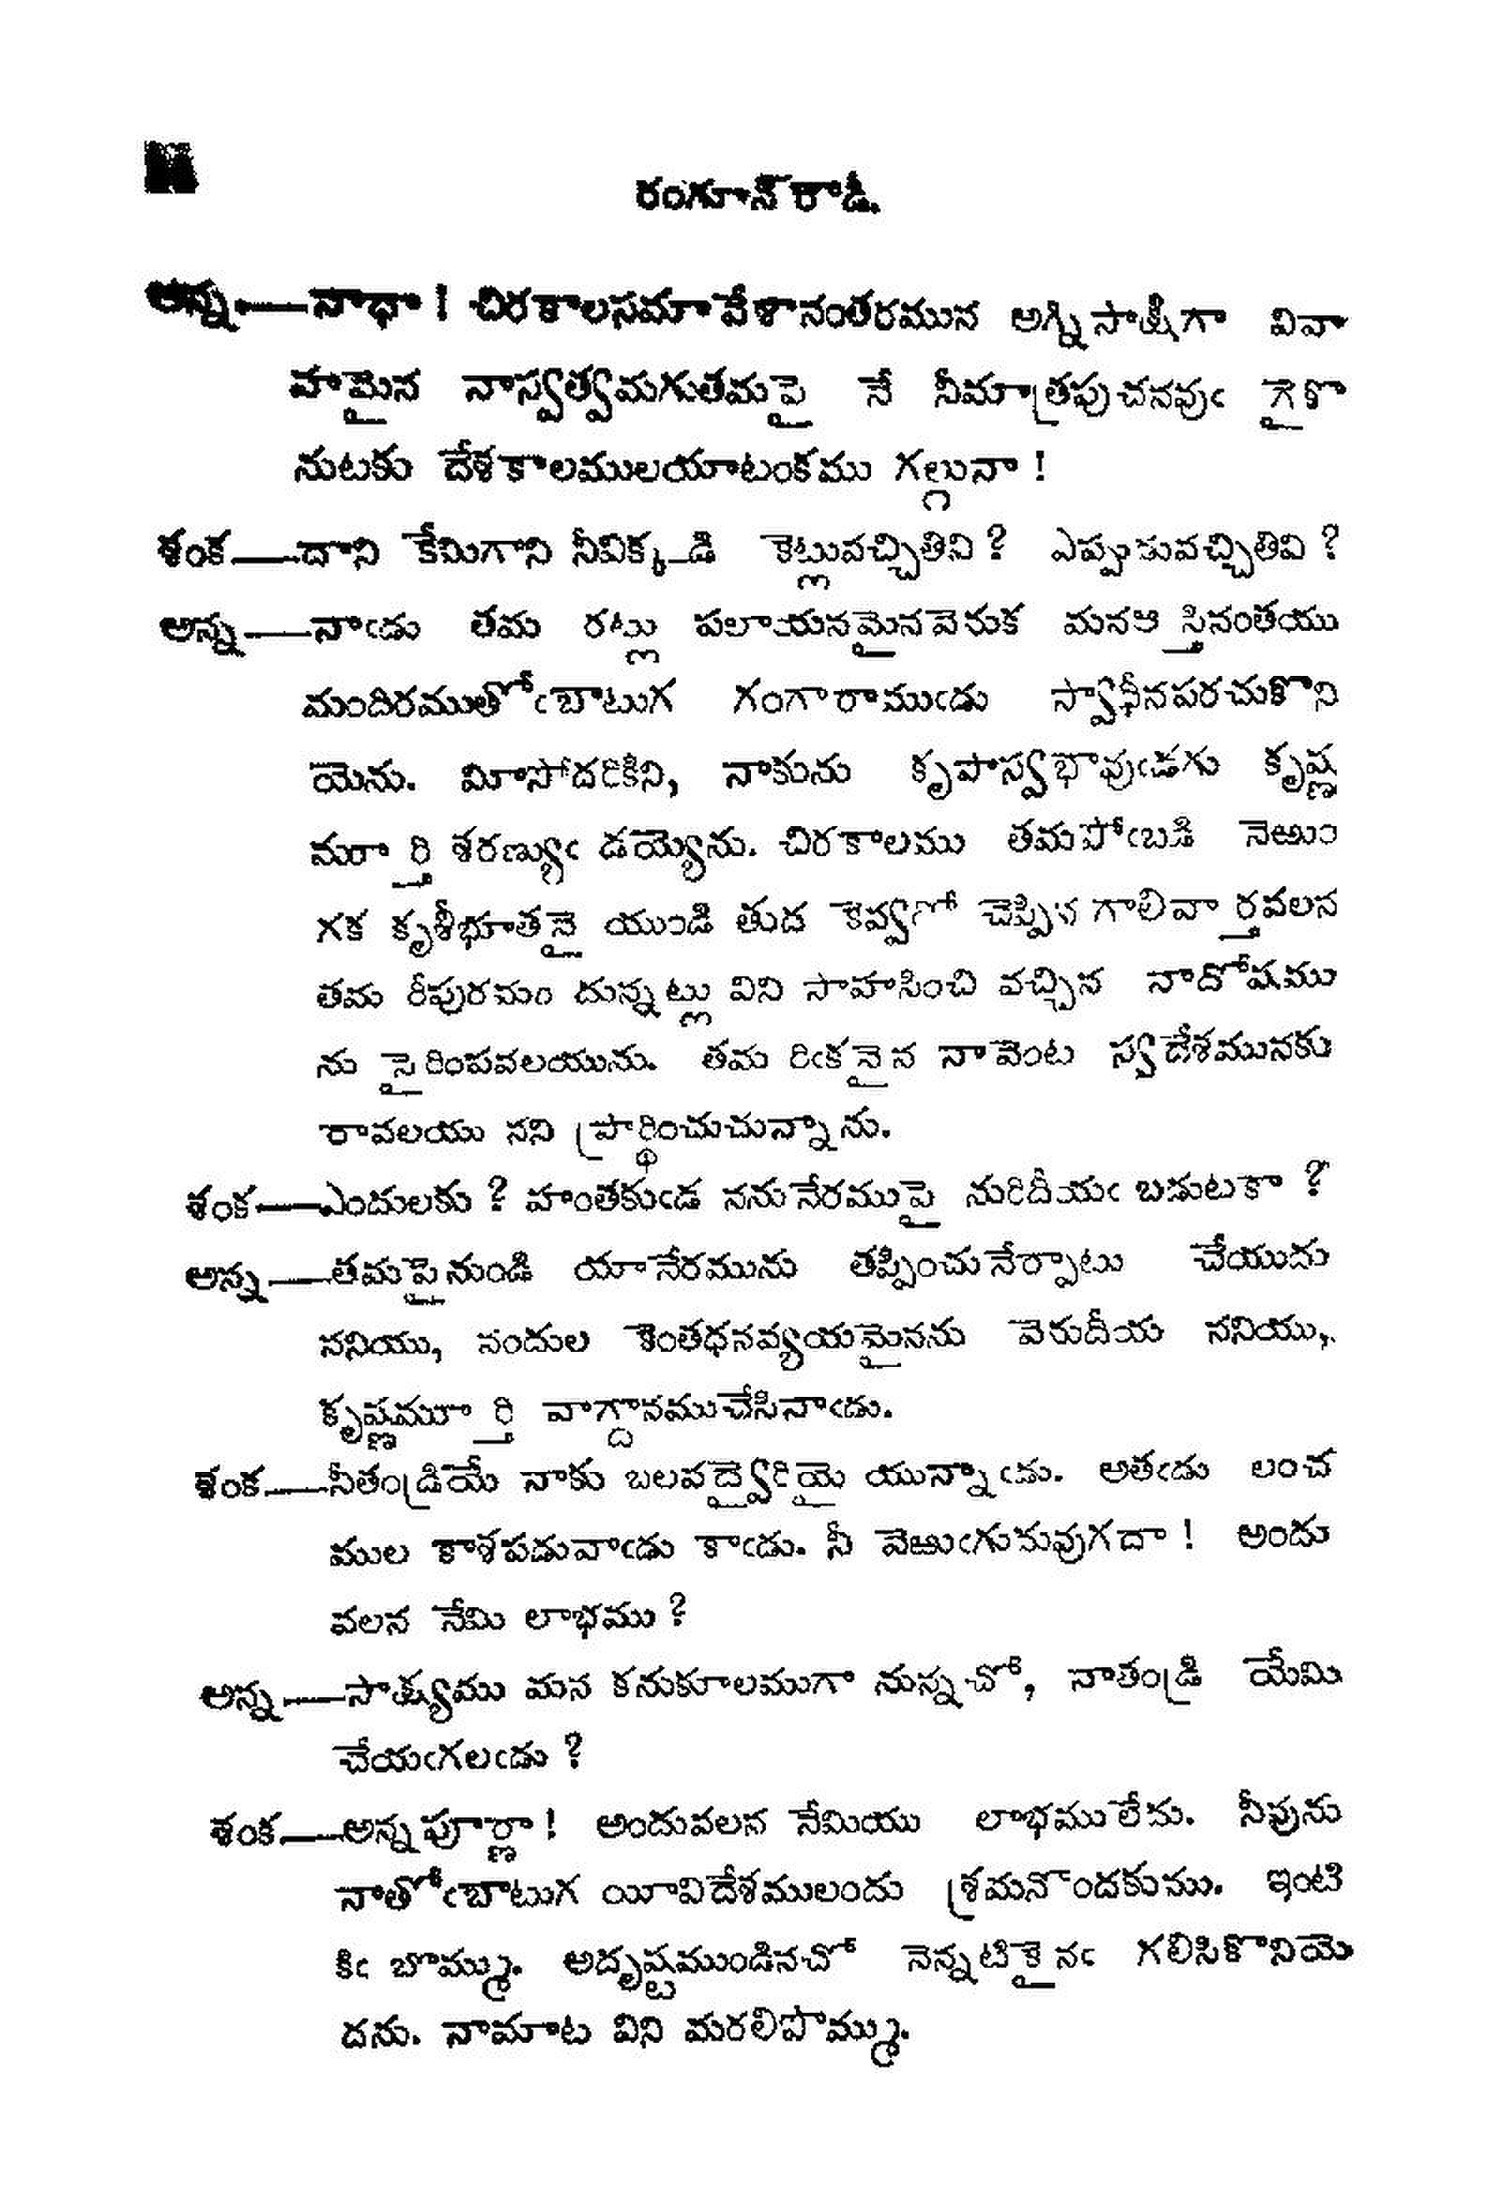అన్న - నాధా ! చిరకాలసమావేశానంతరమున అగ్నిసాక్షిగా వివాహమైన నాస్వత్వమగుతమపై నే నీమాత్రపుచనవుఁ గైకొనుటకు దేశకాలములయాటంకము గల్గునా !

శంక - దాని కేమిగాని నీవిక్కడి కెట్లువచ్చితిని ? ఎప్పుడువచ్చితివి ?

అన్న - నాఁడు తమ రట్లు పలాయనమైనవెనుక మనఆస్తినంతయు మందిరముతోఁబాటుగ గంగారాముఁడు స్వాధీనపరచుకొనియెను. మీసోదరికిని, నాకును కృపాస్వభావుఁడగు కృష్ణమూర్తి శరణ్యుఁ డయ్యెను. చిరకాలము తమపోఁబడి నెఱుంగక కృశీభూతనై యుండి తుద కెవ్వరో చెప్పిన గాలివార్తవలన తమ రీపురమం దున్నట్లు విని సాహసించి వచ్చిన నాదోషమును సైరింపవలయును. తమ రిఁకనైన నావెంట స్వదేశమునకు రావలయు నని ప్రార్థించుచున్నాను.

శంక - ఎందులకు ? హంతకుఁడ నను నేరముపై నురిదీయఁ బడుటకా ?

అన్న - తమపైనుండి యానేరమును తప్పించునేర్పాటు చేయుదుననియు, నందుల కెంతధనవ్యయ మైనను వెనుదీయ ననియు, కృష్ణమూర్తి వాగ్దానము చేసినాఁడు.

శంక - నీతండ్రియే నాకు బలవద్వైరియై యున్నాడు. అతఁడు లంచముల కాశపడువాఁడు కాఁడు. నీ వెఱుఁగుదువుగదా ! అందువలన నేమి లాభము ?

అన్న -- సాక్ష్యము మన కనుకూలముగా నున్నచో, నాతండ్రి యేమి చేయఁగలఁడు?

శంక - అన్నపూర్ణా! అందువలన నేమియు లాభములేదు. నీవును నాతోఁబాటుగ యీవిదేశములందు శ్రమనొందకుము. ఇంటికిఁ బొమ్ము. అదృష్టముండినచో నెన్నటికైనఁ గలిసికొనియెదను. నామాట విని మరలిపొమ్ము.